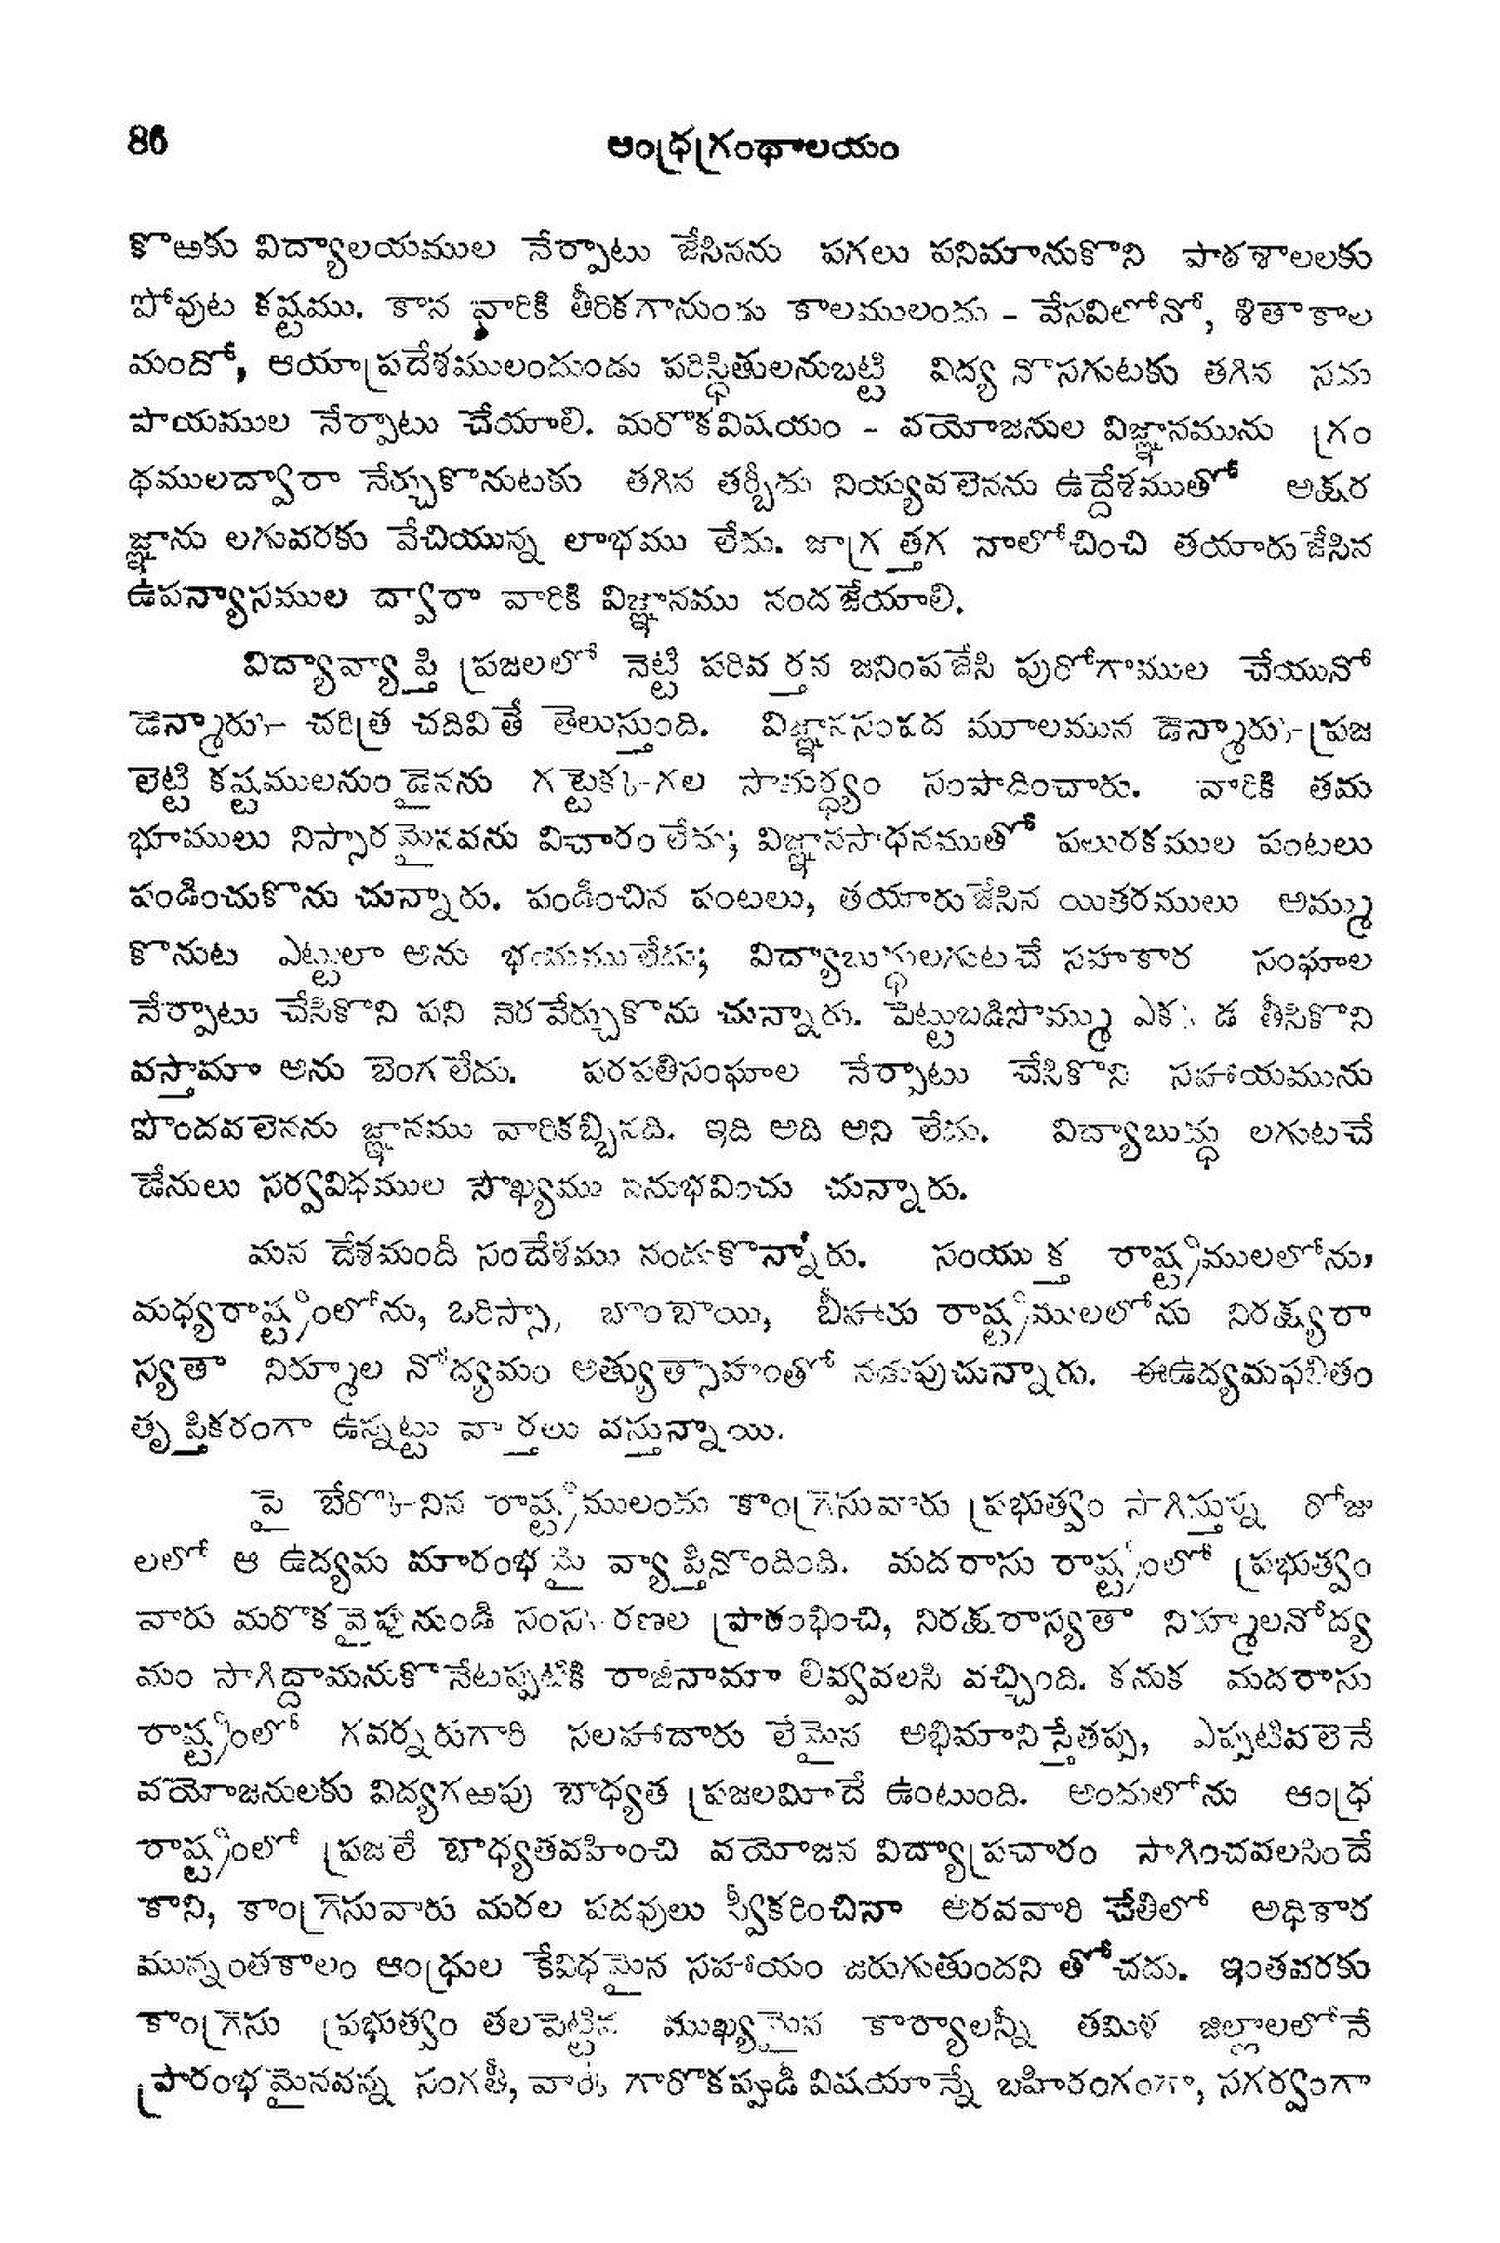కొఱకు విద్యాలయముల నేర్పాటు జేసినను పగలు పనిమానుకొని పాఠశాలలకు పోవుట కష్టము. కాన వారికి తీరికగానుండు 
కాలములందు వేసవిలోనో, శీతాకాలమందో, ఆయా ప్రదేశములందుండు పరిస్థితులనుబట్టి విద్య నొసగుటకు తగిన 
సదుపాయముల నేర్పాటు చేయాలి. మరొక విషయం - వయోజనుల విజ్ఞానమును గ్రంథములద్వారా నేర్చుకొనుటకు తగిన
తర్బీదు నియ్యవలెనను ఉద్దేశముతో అక్షరజ్ఞాను లగువరకు వేచియున్న లాభము లేదు. జాగ్రత్తగ నాలోచించి తయారు చేసిన
ఉపన్యాసముల ద్వారా వారికి విజ్ఞానము నంద జేయాలి.

విద్యావ్యాప్తి ప్రజలలో నెట్టి పరివర్తన జనింపజేసి పురోగాములు చేయునో 'డెన్మారు' చరిత్ర చదివితే తెలుస్తుంది. విజ్ఞానసంపద 
మూలమున డెన్మారు - ప్రజలెట్టి కష్టములనుండైనను గట్టెక్కగల సామర్ధ్యం సంపాదించారు. వారికి తమ భూములు 
నిస్సారమైనవను విచారం లేదు; విజ్ఞానసాధనముతో పలురకముల పంటలు పండించుకొనుచున్నారు. పండించిన పంటలు, 
తయారుజేసిన యితరములు అమ్ముకొనుట ఎట్టులా అను భయములేదు; విద్యాబుద్ధులగుటచే సహకార సంఘాల
నేర్పాటు చేసికొని పని నెరవేర్చుకొనుచున్నారు. పెట్టుబడిసొమ్ము ఎక్కడ తీసికొని వస్తామా అను బెంగ లేదు. పరపతిసంఘాల 
నేర్పాటు చేసికొని సహాయమును పొందవలెనను జ్ఞానము వారికబ్బినది. ఇది అది అని లేదు. విద్యాబుద్ధు లగుటచే
డేనులు సర్వవిధముల సౌఖ్యము అనుభవించు చున్నారు.

మన దేశమందీ సందేశము నందుకొన్నారు. సంయుక్త రాష్ట్రములలోను, మధ్యరాష్ట్రంలోను, ఒరిస్సా, బొంబాయి, బీహారు 
రాష్ట్రములలోను నిరక్ష్యరాస్యతా నిర్మూలనోద్యమం అత్యుత్సాహంతో నడుపుచున్నారు. ఈఉద్యమఫలితం తృప్తికరంగా 
ఉన్నట్టు వార్తలు వస్తున్నాయి.

పై బేర్కొనిన రాష్ట్రములందు కాంగ్రెసువారు ప్రభుత్వం సాగిస్తున్న రోజులలో ఆ ఉద్యమమారంభమై వ్యాప్తినొందింది. 
మదరాసు రాష్ట్రంలో ప్రభుత్వం వారు మరొక వైపునుండి సంస్కరణల ప్రారంభించి, నిరక్షరాస్యతా నిరూర్మలనోద్యమం సాగిద్దామనుకొనేటప్పటికి రాజీనామా లివ్వవలసి వచ్చింది. కనుక మదరాసు రాష్ట్రంలో గవర్నరుగారి సలహాదారు లేమైన 
అభిమానిస్తేతప్ప, ఎప్పటివలెనే వయోజనులకు విద్యగఱపు బాధ్యత ప్రజలమీదే ఉంటుంది. అందులోను ఆంధ్రరాష్ట్రంలో 
ప్రజలే బాధ్యతవహించి వయోజన విద్యాప్రచారం సాగించవలసిందే కాని, కాంగ్రెసువారు మరల పదవులు స్వీకరించినా 
అరవవారి చేతిలో అధికార మున్నంతకాలం ఆంధ్రులు కేవిధమైన సహాయం జరుగుతుందని తోచదు. ఇంతవరకు
కాంగ్రెసు ప్రభుత్వం తలపెట్టిన ముఖ్యమైన కార్యాలన్నీ తమిళ జిల్లాలలోనే ప్రారంభమైనవన్న సంగతీ, వారు 
ఒకప్పుడీ విషయాన్నే బహిరంగంగా, సగర్వంగా